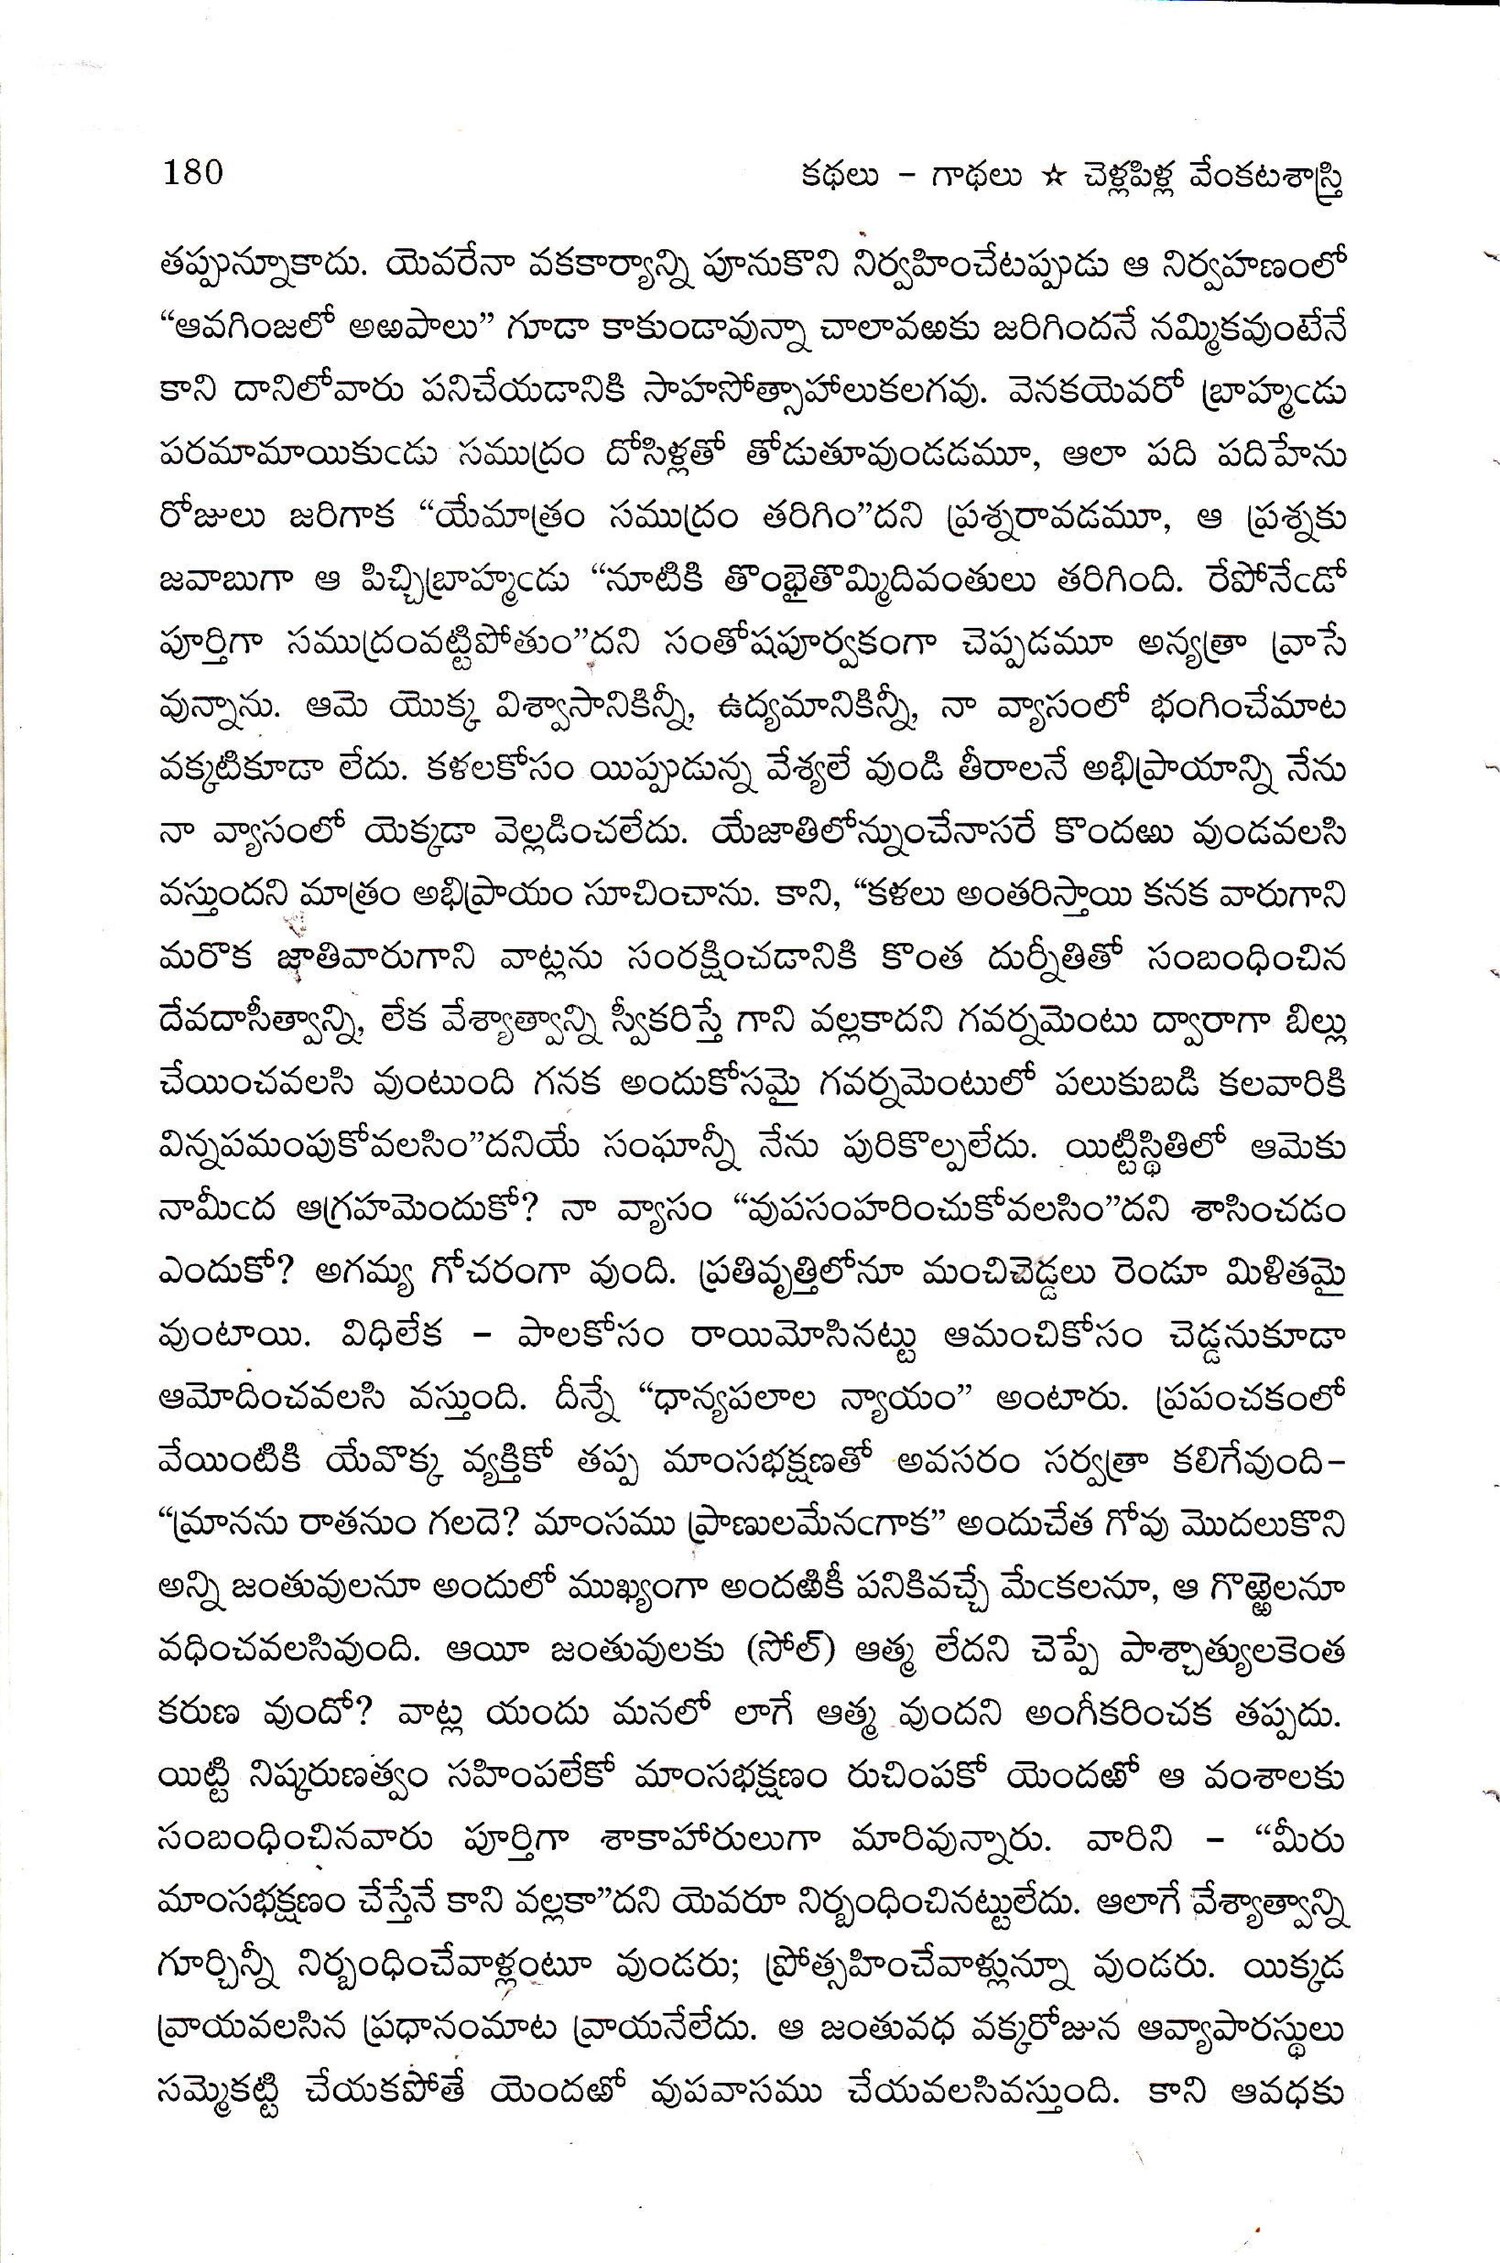తప్పున్నూకాదు. యెవరేనా వకకార్యాన్ని పూనుకొని నిర్వహించేటప్పుడు ఆ నిర్వహణంలో “ఆవగింజలో అఱపాలు” గూడా కాకుండావున్నా చాలావఱకు జరిగిందనే నమ్మికవుంటేనే కాని దానిలోవారు పనిచేయడానికి సాహసోత్సాహాలుకలగవు. వెనకయెవరో బ్రాహ్మఁడు పరమామాయికుఁడు సముద్రం దోసిళ్లతో తోడుతూవుండడమూ, ఆలా పది పదిహేను రోజులు జరిగాక "యేమాత్రం సముద్రం తరిగిందని ప్రశ్నరావడమూ, ఆ ప్రశ్నకు జవాబుగా ఆ పిచ్చిబ్రాహ్మఁడు "నూటికి తొంభైతొమ్మిదివంతులు తరిగింది. రేపోనేఁడో పూర్తిగా సముద్రంవట్టిపోతుం"దని సంతోషపూర్వకంగా చెప్పడమూ అన్యత్రా వ్రాసే వున్నాను. ఆమె యొక్క విశ్వాసానికిన్నీ ఉద్యమానికిన్నీ నా వ్యాసంలో భంగించేమాట వక్కటికూడా లేదు. కళలకోసం యిప్పుడున్న వేశ్యలే వుండి తీరాలనే అభిప్రాయాన్ని నేను నా వ్యాసంలో యెక్కడా వెల్లడించలేదు. యేజాతిలోన్నుంచేనాసరే కొందఱు వుండవలసి వస్తుందని మాత్రం అభిప్రాయం సూచించాను. కాని, "కళలు అంతరిస్తాయి కనక వారుగాని మరొక జాతివారుగాని వాట్లను సంరక్షించడానికి కొంత దుర్నీతితో సంబంధించిన దేవదాసీత్వాన్ని లేక వేశ్యాత్వాన్ని స్వీకరిస్తే గాని వల్లకాదని గవర్నమెంటు ద్వారాగా బిల్లు చేయించవలసి వుంటుంది గనక అందుకోసమై గవర్నమెంటులో పలుకుబడి కలవారికి విన్నపమంపుకోవలసిం"దనియే సంఘాన్నీ నేను పురికొల్పలేదు. యిట్టిస్థితిలో ఆమెకు నామీఁద ఆగ్రహమెందుకో? నా వ్యాసం “వుపసంహరించుకోవలసిం"దని శాసించడం ఎందుకో? అగమ్య గోచరంగా వుంది. ప్రతివృత్తిలోనూ మంచిచెడ్డలు రెండూ మిళితమై వుంటాయి. విధిలేక - పాలకోసం రాయిమోసినట్టు ఆమంచికోసం చెడ్డనుకూడా ఆమోదించవలసి వస్తుంది. దీన్నే "ధాన్యపలాల న్యాయం" అంటారు. ప్రపంచకంలో వేయింటికి యేవొక్క వ్యక్తికో తప్ప మాంసభక్షణతో అవసరం సర్వత్రా కలిగేవుంది“మ్రానను రాతనుం గలదె? మాంసము ప్రాణులమేనఁగాక” అందుచేత గోవు మొదలుకొని అన్ని జంతువులనూ అందులో ముఖ్యంగా అందఱికీ పనికివచ్చే మేఁకలనూ, ఆ గొఱ్ఱెలనూ వధించవలసివుంది. ఆయీ జంతువులకు (సోల్) ఆత్మ లేదని చెప్పే పాశ్చాత్యులకెంత కరుణ వుందో? వాట్ల యందు మనలో లాగే ఆత్మ వుందని అంగీకరించక తప్పదు. యిట్టి నిష్కరుణత్వం సహింపలేకో మాంసభక్షణం రుచింపకో యెందఱో ఆ వంశాలకు సంబంధించినవారు పూర్తిగా శాకాహారులుగా మారివున్నారు. వారిని – “మీరు మాంసభక్షణం చేస్తేనే కాని వల్లకా"దని యెవరూ నిర్బంధించినట్టులేదు. ఆలాగే వేశ్యాత్వాన్ని గూర్చిన్నీ నిర్బంధించేవాళ్లంటూ వుండరు; ప్రోత్సహించేవాళ్లున్నూ వుండరు. యిక్కడ వ్రాయవలసిన ప్రధానంమాట వ్రాయనేలేదు. ఆ జంతువధ వక్కరోజున ఆవ్యాపారస్థులు సమ్మెకట్టి చేయకపోతే యెందఱో వుపవాసము చేయవలసివస్తుంది. కాని ఆవధకు